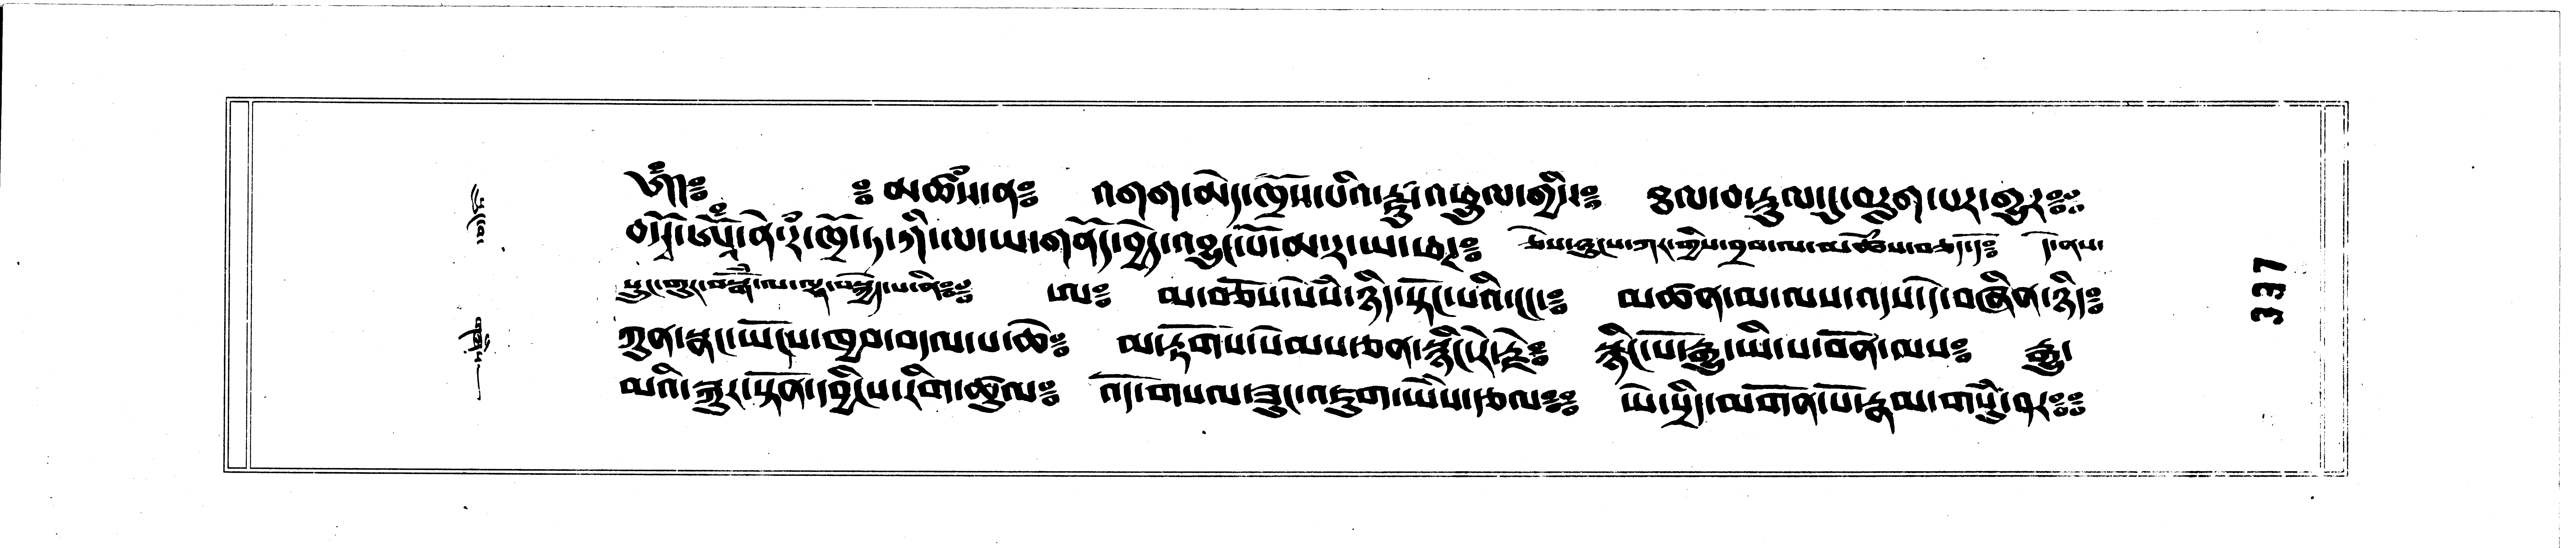༔མཚམས་ན༔ འགག་མེད་ཁྲོས་པའི་རྫུ་འཕྲུལ་གྱིས༔ ཐལ་བ་རྡུལ་དུ་བརླག་པར་གྱུར༔༔ 
བསྭོ་ཨཱོཾ་ནེ་རཾ་ཁྲོ་ཏ་ཀི་ལ་ཡ་གནོད་བྱེད་འབྱུང་པོ་མ་ར་ཡ་ཕཊ༔ ཅེས་ཉུངས་དཀར་གྱིས་བྲབ་ལ་མཚམས་བཅད་དོ༔ དེ་ནས་
སྲུང་གུར་བསྒོམ་ལ་ལྷ་བསྐྱེད་པ་ནི༔ ཨ༔ མ་བཅོས་སེམས་ཉིད་སྟོང་པའི་ངང་༔ མཚན་མ་ལས་འདས་དེ་བཞིན་ཉིད༔ 
ཀུན་སྣང་ཡོངས་ཁྱབ་བདལ་པ་ཆེ༔ མ་རྟོགས་སེམས་ཅན་སྙིང་རེ་རྗེ༔ སྙིང་པོ་རྒྱུ་ཡི་ས་བོན་ལས༔ རྒྱུ་
མའི་སྐུ་སྟོན་དབྱིངས་རིག་ཚུལ༔ འོད་གསལ་ཟུང་འཇུག་ཡེ་ཤེས་རྩལ༔༔ ཡེ་སྲིད་མགོན་པོ་རྣམ་གསུམ་བར༔༔